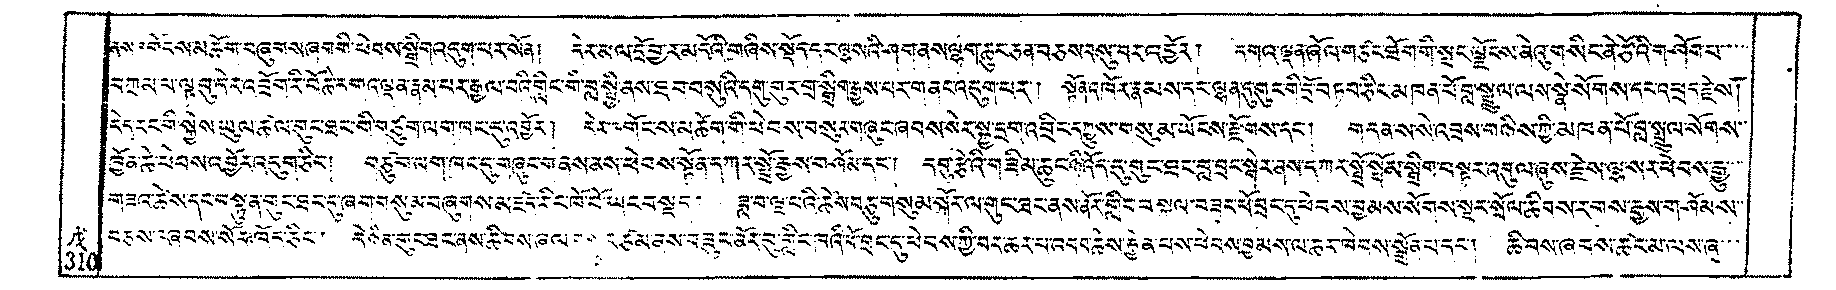ནས་༧གོང་ས་མཆོག་བཞུགས་ཞག་གི་ཕེབས་སྒྲིག་འདུག་པར་སོན། དེར་མལ་དྲོ་བྱ་ར་མདོའི་གཞིས་སྡོད་དང་ལྷ་སའི་ཤག་ནས་ལྷག་ཆུང་ཅན་བཅས་བསུ་བར་འབྱོར། དགའ་ལྡན་ཞོལ་གཙང་ཐོག་གི་སྤང་ལྗོངས་ནེའུ་གསིང་ནེ་ཙོའི་གཤོག་པ་
བཀྲམ་པ་ལྟ་བུ་དེར་འབྲོག་རི་པོ་ཆེ་དགའ་ལྡན་རྣམ་པར་རྒྱལ་བའི་གླིང་གི་བླ་སྤྱི་ནས་ཐབ་བསུའི་དགུ་གུར་གྲ་སྒྲིག་རྒྱས་པར་གནང་འདུག་པར། སྟོན་འཁོར་རྣམས་དང་ལྷན་དུ་གུང་གི་དྲོ་བཏབ་ཅིང་མཁན་པོ་བླ་སྤྲུལ་ལས་སྣེ་སོགས་དང་འཕྲད་རྗེས།
ངེད་རང་གི་སྐྱེས་ཡུལ་ཚལ་གུང་ཐང་གི་གཙུག་ལག་ཁང་དུ་འབྱོར། དེར་༧གོང་ས་མཆོག་གི་ཕེབས་བསུར་གཞུང་ཞབས་སེར་སྐྱ་དྲག་འབྲིང་དཀྱུ་ས་གསུམ་ཡོངས་རྫོགས་དང་། གདན་ས་སེ་འབྲས་གཉིས་ཀྱི་མཁན་པོ་བླ་སྤྲུལ་སོགས་
ཁྱོན་ཆེ་ཕེབས་འབྱོར་འདུག་ཅིང་། གཙུག་ལག་ཁང་དུ་གཞུང་གནས་ནས་ཕེབས་སྟོན་དཀར་སྤྲོ་རྒྱས་གཤོམ་དང་། དབུ་རྩེའི་གཟིམ་ཆུང་ཉི་འོད་དུ་གུང་ཐང་བླ་བྲང་སྒེར་ནས་དཀར་སྤྲོ་སྤོམ་སྒྲིག་བསྟར་འབུལ་ཞུས་རྗེས་ལྷ་སར་ཕེབས་རྒྱུ་
གཟའ་ཚེས་དང་བསྟུན་གུང་ཐང་དུ་ཞག་གསུམ་བཞུགས་མཛད་རིང་ཁོ་བོ་ཡང་བསྡད། ཟླ་བ་ལྔ་པའི་ཚེས་བཅུ་གསུམ་སྐོར་ལ་གུང་ཐང་ནས་ནོར་གླིང་བསྐལ་བཟང་ཕོ་བྲང་དུ་ཕེབས་བྱམས་སོགས་སྔར་སྲོལ་ཆིབས་རགས་རྒྱས་གཤོམས་
བཅས་༧ཞབས་སོར་འཁོད་ཅིང་། དེ་ཉིན་གུང་ཐང་ནས་ཆིབས་ཞལ་བསྒྱུར་ཙམ་ནས་བཟུང་ནོར་བུ་གླིང་ཁའི་ཕོ་བྲང་དུ་ཕེབས་ཀྱི་བར་ཆར་པ་འབབ་ཆེས་རྐྱེན་པས་ཕེབས་བྱམས་ལ་ཆར་ཁེབས་སྒྲོན་པ་དང་། ཆིབས་ཞབས་ཚང་མ་ལས་ཞྭ་